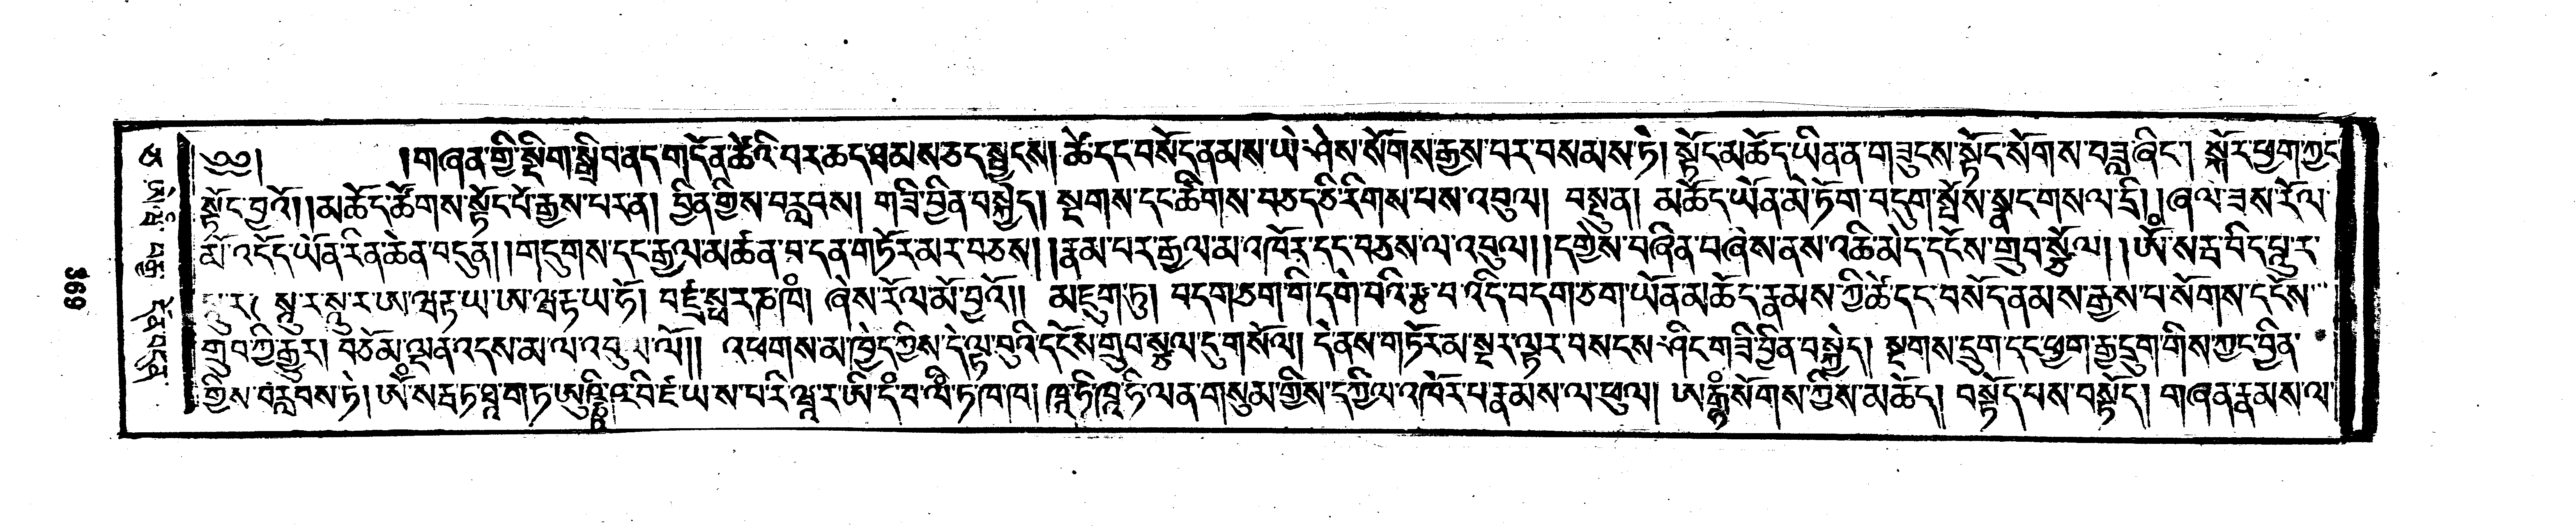༄༅། །གཞན་གྱི་སྡིག་སྒྲིབ་ནད་གདོན་ཚེའི་བར་ཆད་ཐམས་ཅད་སྦྱངས། ཚེ་དང་བསོད་ནམས་ཡེ་ཤེས་སོགས་རྒྱས་པར་བསམས་ཏེ། སྟོང་མཆོད་ཡིན་ན་གཟུངས་སྟོང་སོགས་བཟླ་ཞིང་། སྐོར་ཕྱག་ཀྱང་
སྟོང་བྱའོ། །མཆོད་ཚོགས་སྟོང་པོ་རྒྱས་པར་ན། བྱིན་གྱིས་བརླབས། གཟི་བྱིན་བསྐྱེད། སྔགས་དང་ཚིགས་བཅད་ཅི་རིགས་པས་འབུལ། བསྡུ་ན། མཆོད་ཡོན་མེ་ཏོག་བདུག་སྤོས་སྣང་གསལ་དྲི། །ཞལ་ཟས་རོལ་
མོ་འདོད་ཡོན་རིན་ཆེན་བདུན། །གདུགས་དང་རྒྱལ་མཚན་བ་དན་གཏོར་མར་བཅས། །རྣམ་པར་རྒྱལ་མ་འཁོར་དང་བཅས་ལ་འབུལ། །དགྱེས་བཞིན་བཞེས་ནས་འཆི་མེད་དངོས་གྲུབ་སྩོལ། །ཨོཾ་སརྦ་བིད་པཱུ་ར་
པཱུ་ར༑ སཱུ་ར་སཱུ་ར་ཨ་ཝརྟ་ཡ་ཨ་ཝ་རྟ་ཡ་ཧོ། བཛྲ་སྥ་ར་ཎ་ཁཾ། ཞེས་རོལ་མོ་བྱའོ། །མཇུག་ཏུ། བདག་ཅག་གི་དགེ་བའི་རྩ་བ་འདི་བདག་ཅག་ཡོན་མཆོད་རྣམས་ཀྱི་ཚེ་དང་བསོད་ནམས་རྒྱས་པ་སོགས་དངོས་
གརབ་ཀྱི་རྒྱུར། བཅོམ་ལྡན་འདས་མ་ལ་འབུལ་ལོ། །འཕགས་མ་ཁྱེད་ཀྱིས་དེ་ལྟ་བུའི་དངོས་གྲུབ་སྩལ་དུ་གསོལ། དེ་ནས་གཏོར་མ་སྔར་ལྟར་བསངས་ཤིང་གཟི་བྱིན་བསྐྱེད། སྔགས་དྲུག་དང་ཕྱག་རྒྱ་དྲུག་གིས་ཀྱང་བྱིན་
གྱིས་བརླབས་ཏེ། ཨོཾ་སརྦ་ཏ་ཐཱ་ག་ཏ་ཨུཥྞཱི་ཥ་བི་ཛ་ཡ་ས་པ་རི་ཝཱ་ར་ཨི་དཾ་བ་ལིཾ་ཏ་ཁ་ཁ། ཁཱ་ཧི་ཁཱ་ཧི་ལན་གསུམ་གྱིས་དཀྱིལ་འཁོར་པ་རྣམས་ལ་ཕུལ། ཨརྒྷཾ་སོགས་ཀྱིས་མཆོད། བསྟོད་པས་བསྟོད། གཞན་རྣམས་ལ་